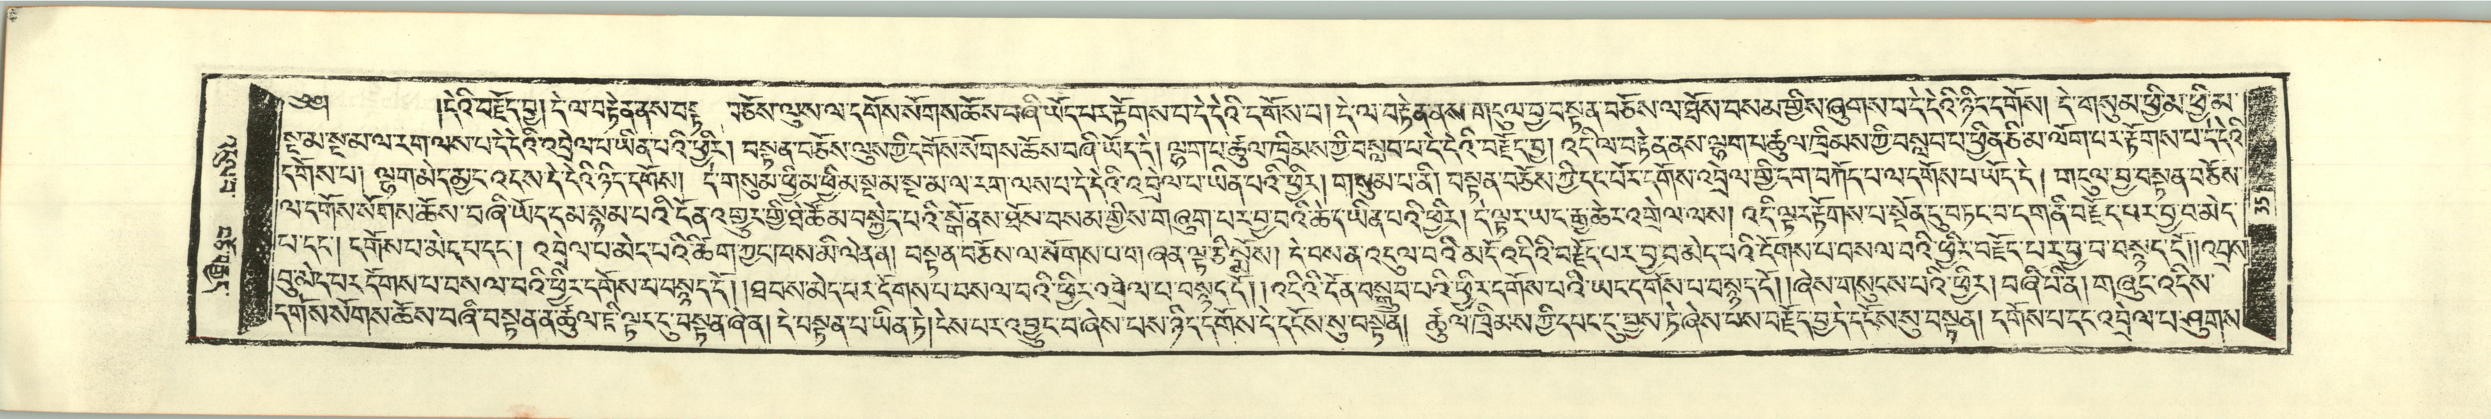༄༅། །དེའི་བརྗོད་བྱ། དེ་ལ་བརྟེན་ནས་བསྟན་བཅོས་ལུས་ལ་དགོས་སོགས་ཆོས་བཞི་ཡོད་པར་རྟོགས་པ་དེ་དེའི་དགོས་པ། དེ་ལ་བརྟེན་ནས་གདུལ་བྱ་བསྟན་བཅོས་ལ་ཐོས་བསམ་གྱིས་ཞུགས་པ་དེ་དེའི་ཉིད་དགོས། དེ་གསུམ་ཕྱི་མ་ཕྱི་མ་
སྔ་མ་སྔ་མ་ལ་རག་ལས་པ་དེ་དེའི་འབྲེལ་པ་ཡིན་པའི་ཕྱིར། བསྟན་བཅོས་ལུས་ཀྱི་དགོས་སོགས་ཆོས་བཞི་ཡོད་དེ། ལྷག་པ་ཚུལ་ཁྲིམས་ཀྱི་བསླབ་པ་དེ་དེའི་བརྗོད་བྱ། འདི་ལ་བརྟེན་ནས་ལྷག་པ་ཚུལ་ཁྲིམས་ཀྱི་བསླབ་པ་ཕྱིན་ཅི་མ་ལོག་པར་རྟོགས་པ་དེ་དེའི་དགོས་པ། ལྷག་མེད་མྱང་འདས་དེ་དེའི་ཉིད་དགོས། དེ་གསུམ་ཕྱི་མ་ཕྱི་མ་སྔ་མ་སྔ་མ་ལ་རག་ལས་པ་དེ་དེའི་འབྲེལ་པ་ཡིན་པའི་ཕྱིར། གསུམ་པ་ནི། བསྟན་བཅོས་ཀྱི་དང་པོར་དགོས་འབྲེལ་གྱི་དག་བཀོད་པ་ལ་དགོས་པ་ཡོད་དེ། གདུལ་བྱ་བསྟན་བཅོས་
ལ་དགོས་སོགས་ཆོས་བཞི་ཡོད་དམ་སྙམ་པའི་དོན་འགྱུར་གྱི་ཐེ་ཚོམ་བསྐྱེད་པའི་སྒོ་ནས་ཐོས་བསམ་གྱིས་གཞུག་པར་བྱ་བའི་ཆེད་ཡིན་པའི་ཕྱིར། དེ་ལྟར་ཡང་རྒྱ་ཆེར་འགྲེལ་ལས། འདི་ལྟར་རྟོགས་པ་སྔོན་དུ་བཏང་བ་དག་ནི་བརྗོད་པར་བྱ་བ་མེད་
པ་དང་། དགོས་པ་མེད་པ་དང་། འབྲེལ་པ་མེད་པའི་ཚིག་ཀྱང་ཁས་མི་ལེན་ན། བསྟན་བཅོས་ལ་སོགས་པ་གཞན་ལྟ་ཅི་སྨོས། དེ་བས་ན་འདུལ་བའི་མདོ་འདིའི་བརྗོད་པར་བྱ་བ་མེད་པའི་དོགས་པ་བསལ་བའི་ཕྱིར་བརྗོད་པར་བྱ་བ་བསྙད་དོ། །འབྲས་
བུ་མེད་པར་དོགས་པ་བསལ་བའི་ཕྱིར་དགོས་པ་བསྙད་དོ། །ཐབས་མེད་པར་དོགས་པ་བསལ་བའི་ཕྱིར་འབྲེལ་བ་བསྙད་དོ། །འདིའི་དོན་བསྒྲུབ་པའི་ཕྱིར་དགོས་པའི་ཡང་དགོས་པ་བསྙད་དོ། །ཞེས་གསུངས་པའི་ཕྱིར། བཞི་པ་ནི། གཞུང་འདིས་
དགོས་སོགས་ཆོས་བཞི་བསྟན་ན་ཚུལ་ཇི་ལྟར་དུ་བསྟན་ཞེ་ན། དེ་བསྟན་པ་ཡིན་ཏེ། ངེས་པར་འབྱུང་བ་ཞེས་པས་ཉིད་དགོས་དེ་དངོས་སུ་བསྟན། ཚུལ་ཁྲིམས་ཀྱི་དབང་དུ་བྱས་ཏེ་ཞེས་པས་བརྗོད་བྱ་དེ་དངོས་སུ་བསྟན། དགོས་པ་དང་འབྲེལ་པ་ཤུགས་